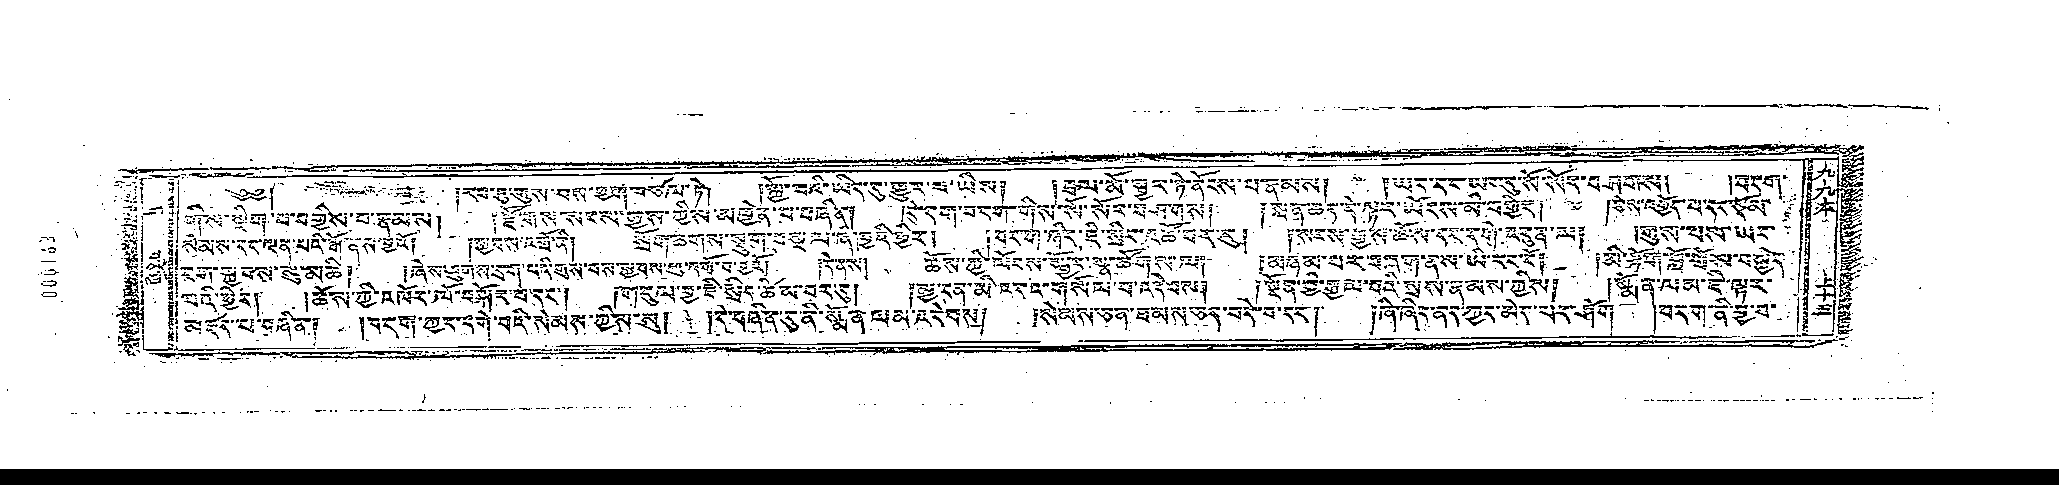༄༅། །རབ་ཏུ་གུས་པས་ཕྱག་བཙལ་ཏེ། །སྐྱོ་བའི་ཡིད་དུ་གྱུར་བ་ཡིས། །ཐལ་མོ་སྦྱར་ཏེ་གནོངས་པ་རྣམས། །ཡང་དང་ཡང་དུ་སོ་སོར་བཤགས། །བདག་
གིས་སྡིག་པ་བགྱིས་པ་རྣམས། །རྫོགས་སངས་རྒྱས་ཀྱིས་མཁྱེན་པ་བཞིན། །དེ་དག་བདག་གིས་སོ་སོར་བཤགས། །སླན་ཆད་དེ་ལྟར་ཡོངས་མི་བགྱིད། །ཅེས་འགྱོད་པ་དང་སྡོམ་
སེམས་དང་ལྡན་པའི་སྒོ་ནས་བྱའོ། །སྐྱབས་འགྲོ་ནི། སྲོག་ཆགས་སྡུག་བསྔལ་ཞི་བྱའི་ཕྱིར། །བདག་ཉིད་ཇི་སྲིད་འཚོ་བར་དུ། །སངས་རྒྱས་ཆོས་དང་དགེ་འདུན་ལ། །གུས་པས་ཡང་
དག་སྐྱབས་སུ་མཆི། །ཞེས་ཤུགས་དྲག་པའི་གུས་བས་སྐྱབས་སུ་འགྲོ་བ་བྱའོ། །དེ་ནས། ཆོས་ཀྱི་ལོངས་སྤྱོད་སྣ་ཚོགས་ལ། །མཉམ་པར་བཞག་ནས་ཡི་རང་ངོ། །མི་རྟོག་བློ་གྲོས་བསྐྱེད་
པའི་ཕྱིར། །ཆོས་ཀྱི་འཁོར་ལོ་བསྐོར་བ་དང་། །གདུལ་བྱ་ཇི་སྲིད་ཚིམ་པར་དུ། །མྱ་ངན་མི་འདའ་གསོལ་བ་འདེབས། །སྔོན་གྱི་རྒྱལ་བའི་སྲས་རྣམས་ཀྱིས། །སྨོན་ལམ་ཇི་ལྟར་
མཛད་པ་བཞིན། །བདག་ཀྱང་དགེ་བའི་སེམས་ཀྱིས་སུ། །དེ་བཞིན་དུ་ནི་སྨོན་ལམ་འདེབས། །སེམས་ཅན་ཐམས་ཅད་བདེ་བ་དང་། །ཞི་ཞིང་ནད་ཀྱང་མེད་པར་ཤོག །བདག་ནི་བྱ་བ་